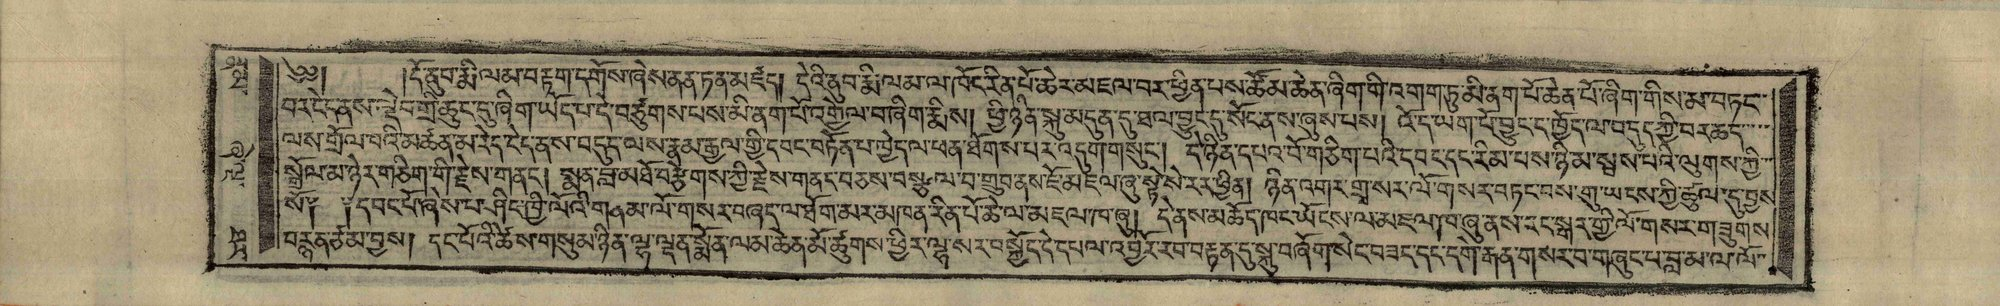༄༅། །དོ་ནུབ་རྨི་ལམ་བརྟག་དགོས་ཞེས་ནན་ཏན་མཛད། དེའི་ནུབ་རྨི་ལམ་ལ་ཁོང་རིན་པོ་ཆེར་མཇལ་བར་ཕྱིན་པས་ཚོམ་ཆེན་ཞིག་གི་འགག་ཏུ་མི་ནག་པོ་ཆེན་པོ་ཞིག་གིས་མ་བཏང་
བར་ངེད་ནས་ལྡེབ་གྲི་ཆུང་དུ་ཞིག་ཡོད་པ་དེ་བཙུགས་པས་མི་ནག་པོ་འགྱེལ་བ་ཞིག་རྨིས། ཕྱི་ཉིན་སྐུ་མདུན་དུ་ཐལ་བྱུང་དུ་སོང་ནས་ཞུས་པས། འོ་ད་ཡག་པོ་བྱུང་ང་ཁྱོད་ལ་བདུད་ཀྱི་བར་ཆད་
ལས་གྲོལ་བའི་མཚན་མ་རེད་ངེད་ནས་བདུད་ལས་རྣམ་རྒྱལ་གྱི་དབང་བཏོན་པ་ཁྱེད་ལ་ཕན་ཐོགས་པར་འདུག་གསུང་། དེ་ཉིན་དཔའ་བོ་གཅིག་པའི་དབང་དང་རིམ་པས་ཉི་མ་སྦས་པའི་ལུགས་ཀྱི་
སྒྲོལ་མ་ཉེར་གཅིག་གི་རྗེས་གནང་། སྨན་བླ་མཐོ་བརྩེགས་ཀྱི་རྗེས་གནང་བཅས་བསྩལ་བ་གྲུབ་ནས་ཇོ་མཇལ་ཞུ་སྟེ་སེ་རར་ཕྱིན། ཉིན་འགར་གྲྭ་སར་ལོ་གསར་བཏང་བས་གུ་ཡངས་ཀྱི་ཚུལ་དུ་བྱས་
སོ། །དབང་པོ་ཞེས་པ་ཤིང་ཁྱི་ལོའི་གནམ་ལོ་གསར་བཞད་ལ་ཐོག་མར་མཁན་རིན་པོ་ཆེ་ལ་མཇལ་ཁ་ཞུ། དེ་ནས་མཆོད་ཁང་ཡོངས་ལ་མཇལ་ཁ་ཞུ་ནས་རང་སྒར་གྱི་ལོ་གསར་གཟུགས་
བརྙན་ཙམ་བྱས། དང་པོའི་ཚེས་གསུམ་ཉིན་ལྷ་ལྡན་སྨོན་ལམ་ཆེན་མོ་ཚུགས་ཕྱིར་ལྷ་སར་བསྐྱོད་དེ་དཔལ་འབྱོར་རབ་བརྟན་དུ་སྐུ་བཞོག་སེང་བཟང་དང་དགེ་རྒན་གསར་བ་གཞུང་པ་བླ་མ་ལ་ལོ་